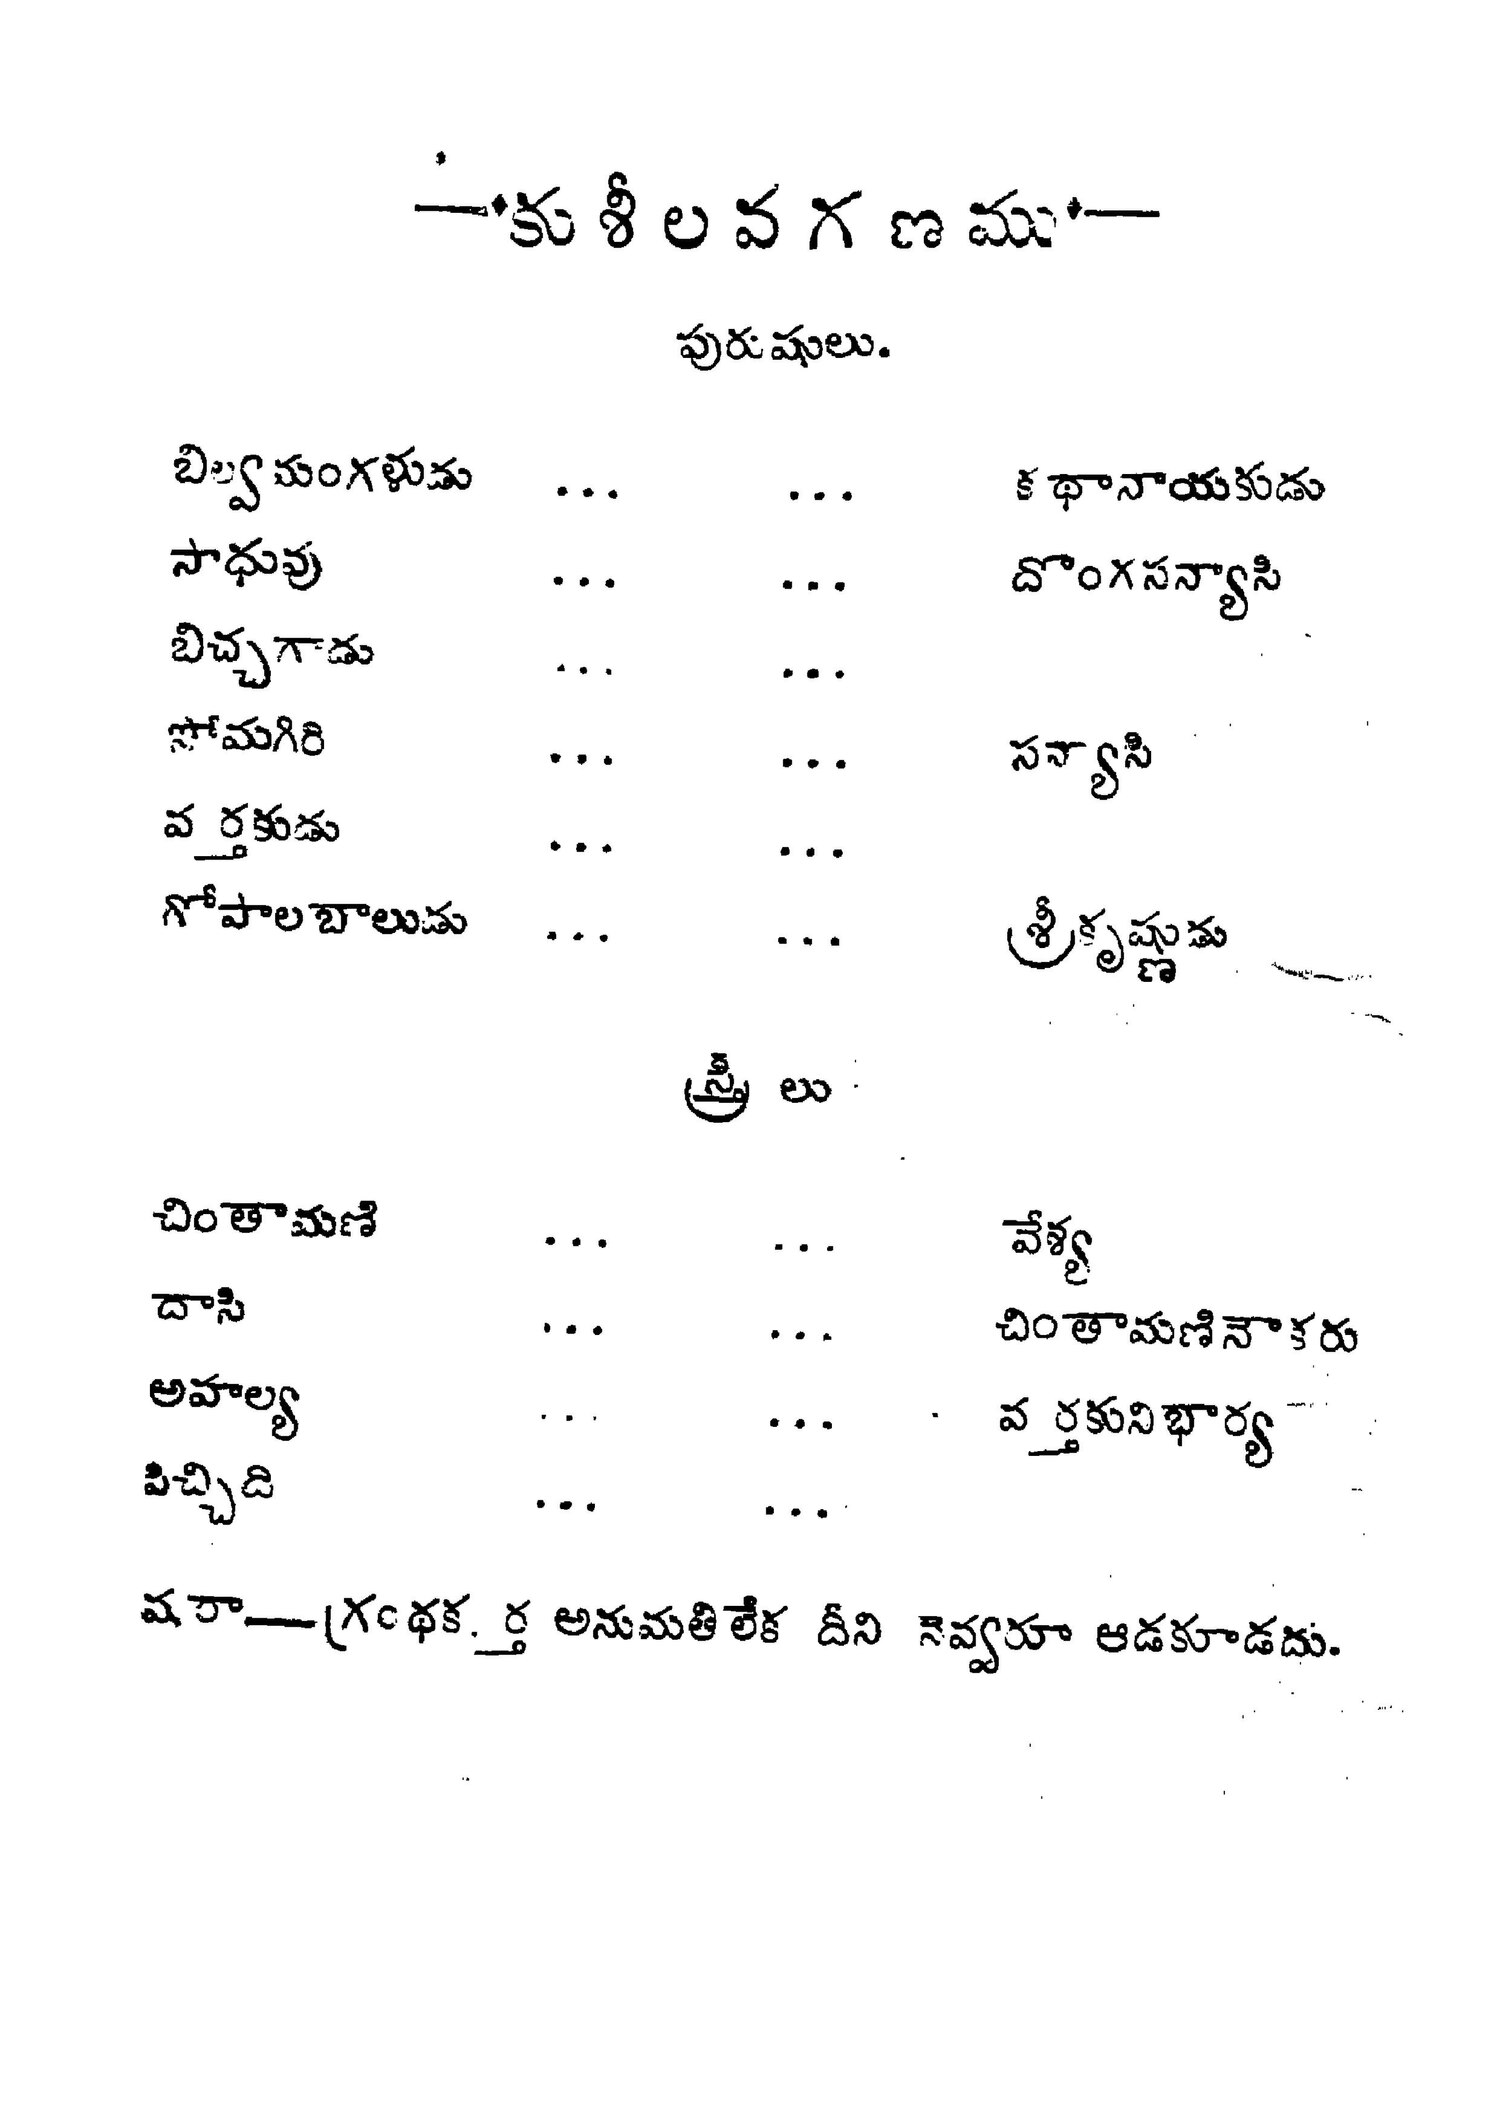బిల్వమంగళుడు కథానాయకుడు సాధువు దొంగసన్యాసి బిచ్చగాడు సోమగిరి సన్యాసి వర్తకుడు గోపాలబాలుడు శ్రీకృష్ణుడు

 చింతామణి వేశ్య దాసి చింతామణినౌకరు అహల్య వర్తకునిభార్య పిచ్చిది 

షరా - గ్రంథకర్త అనుమతిలేక దీని నెవ్వరూ ఆడకూడదు.